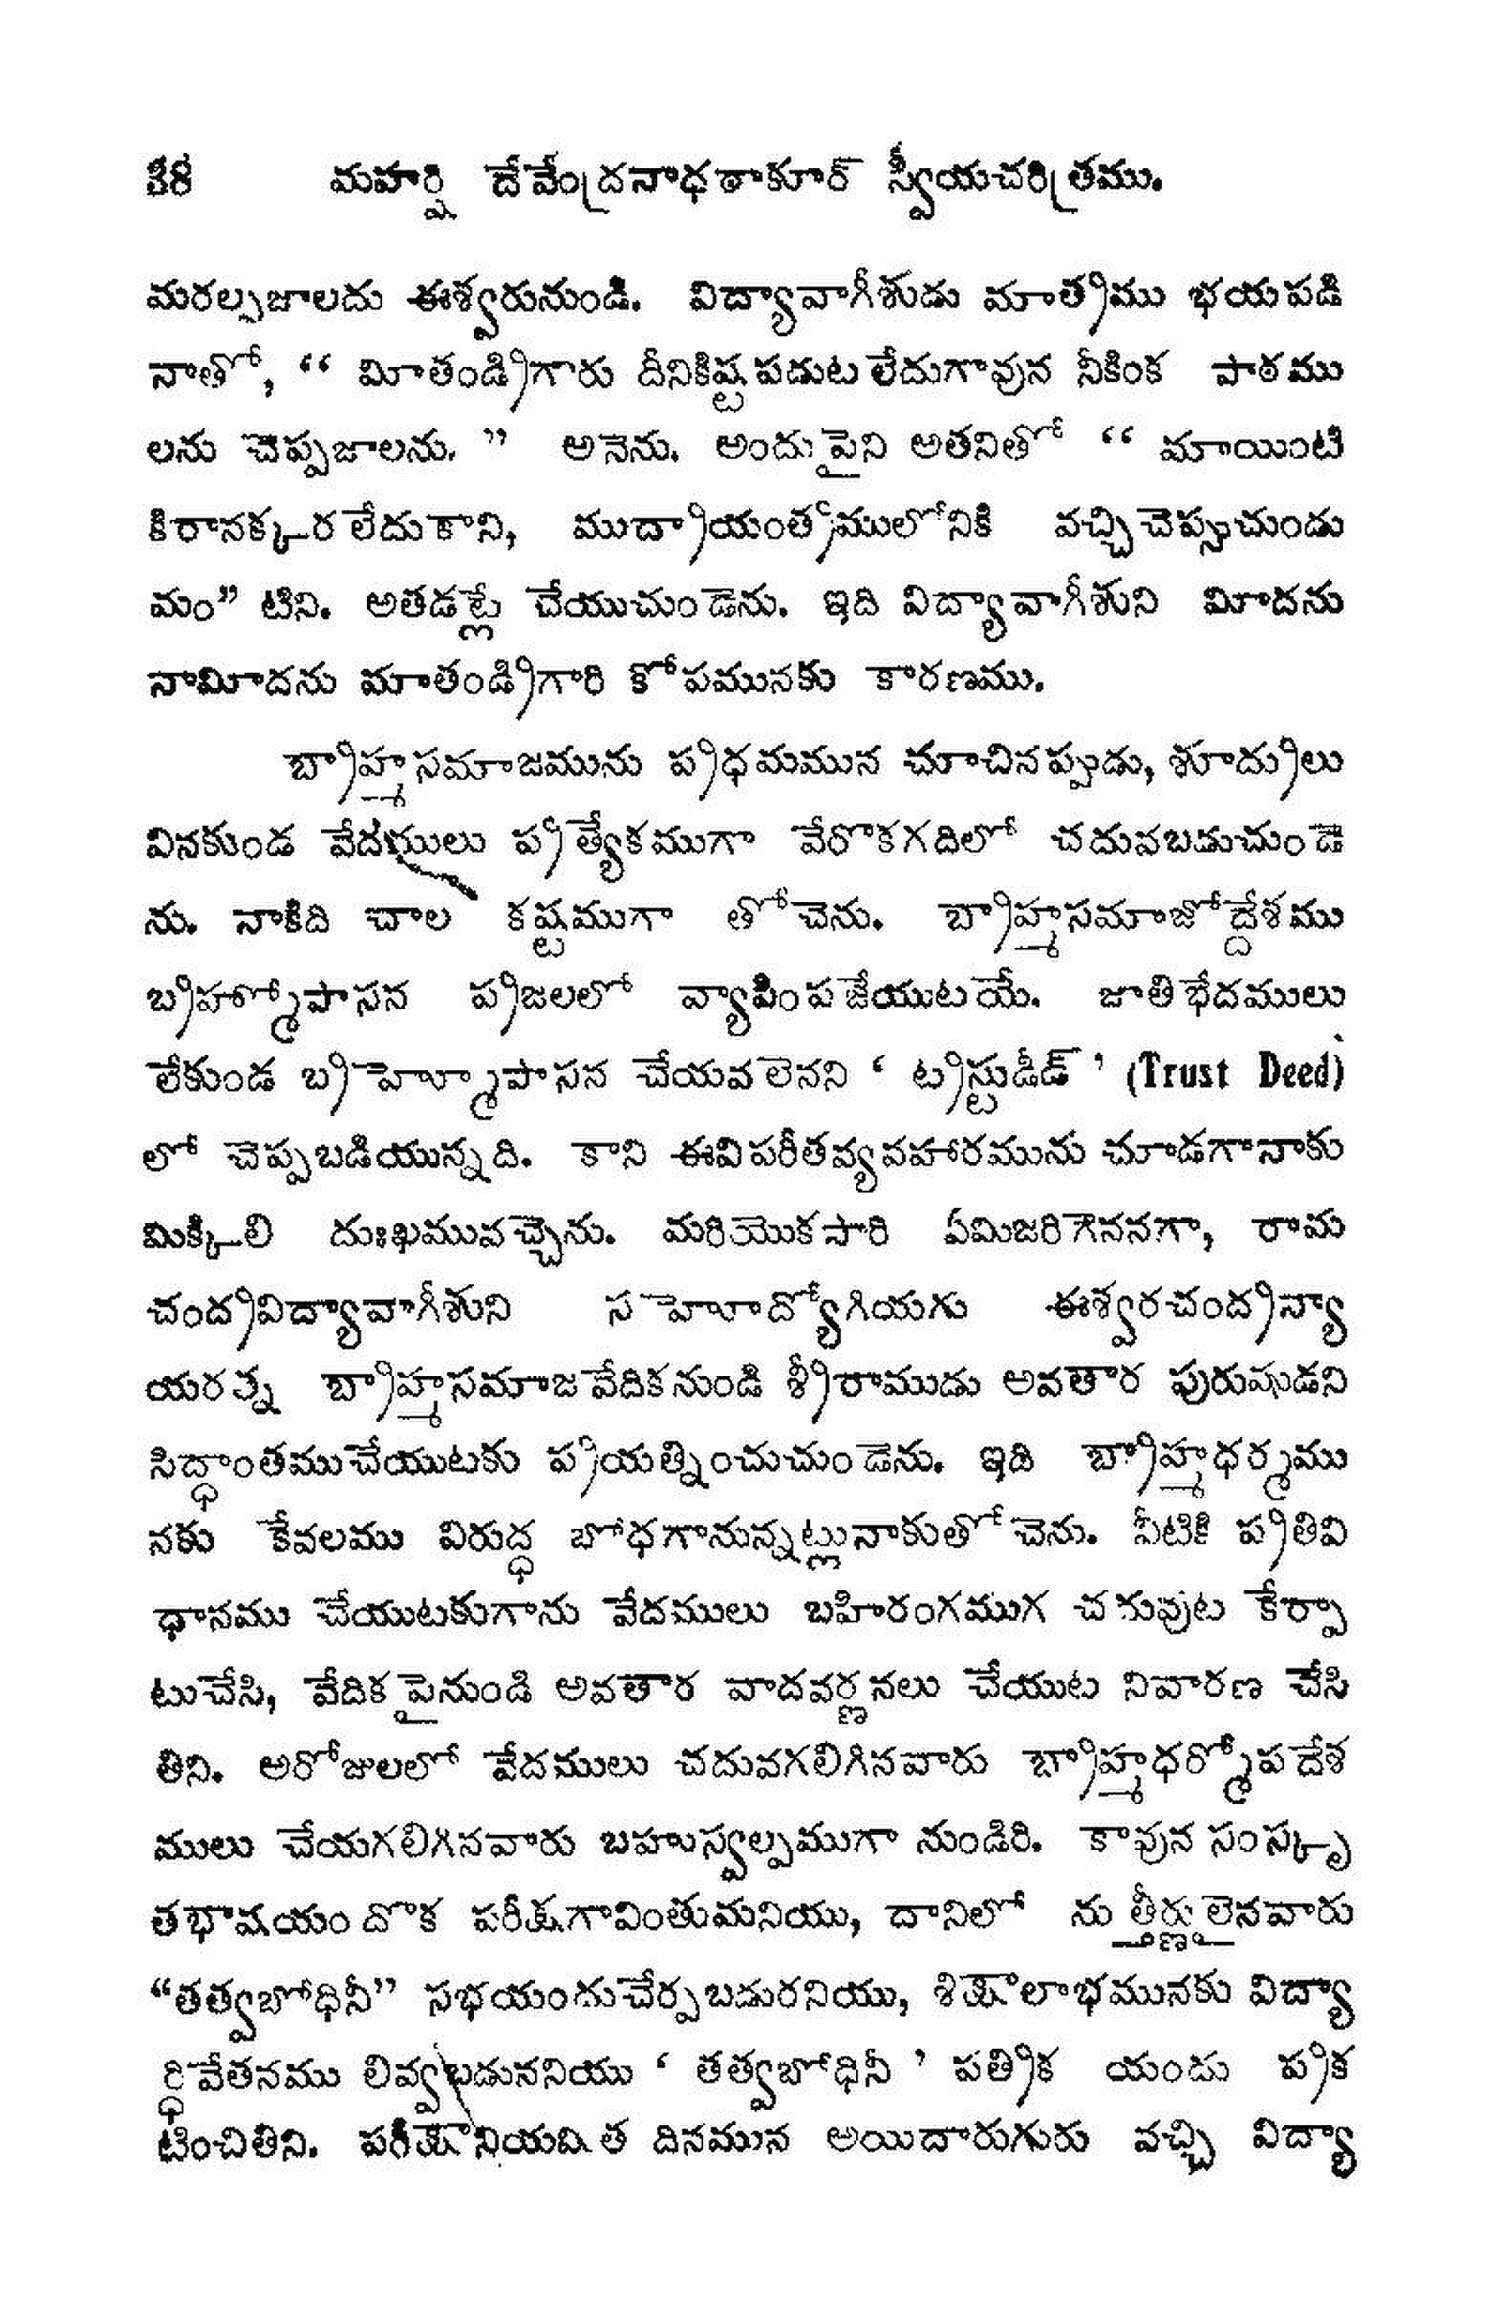మరల్పజాలదు ఈశ్వరునుండి. విద్యా వాగీశుడు మాత్రము భయపడి
నాతో, “ మీతండ్రిగారు దీనికిష్టపడుట లేదుగావున నీకింక పాఠము
లను చెప్పజాలను.అనెను. అందు పైని అతనితో " మాయింటి
కిరానక్కర లేదు కాని, ముదాయంత్రము లోనికి వచ్చి చెప్పుచుండు
మం” టిని. అతడట్లే చేయు చుండెను. ఇది విద్యా వాగీశుని మీదను
నామీదను మాతండ్రిగారి కోపమునకు కారణము.

బాహ్మసమాజమును ప్రధమమున చూచినప్పుడు, శూద్రులు
వినకుండ వేదములు ప్రత్యేకముగా వేరొక గదిలో చదువబడు చుండెను. 
నాకిది చాల కష్టముగా తోచెను. బాహ సమాజోద్దేశము బ్రహ్మోపాసన ప్రజలలో 
వ్యాపింప జేయుటయే. జూతి భేదములు లేకుండ బ్యహ్మోపాసన చేయవలెనని " ట్రస్టుడీడ్ ' (Trust Deed) లో చెప్పబడియున్నది. కానీ ఈవిపరీతన్య వహారమును ]
చూడగా నాకుమిక్కిలి దుఃఖమువచ్చెను. మరియొక సారి ఏమిజరిగెననగా, రామ
చంద్యవిద్యావాగీశుని సహోద్యోగియగు ఈశ్వరచంద్రన్యాయరన్న బ్రహ్మ సమాజ వేదిక నుండి శ్రీ రాముడు అవతార పురుషుడని సిద్ధాంతము చేయుటకు ప్రయత్నించు చుండెను. ఇది బ్రహ ధర్మమునకు కేవలము విరుద్ధ బోధగానున్నట్లు నాకుతోచెను. వీటికి ప్రతివీధానము చేయుటకుగాను వేదములు బహిరంగముగ చదువుట కేర్పా
టుచేసి, వేదిక పైనుండి అవతార వాదవర్ణనలు చేయుట నివారణచేసితిని. అరోజులలో వేదములు చదువగలిగినవారు బ్రాహ్మధర్మోపదేశములు చేయగలిగినవారు బహుస్వల్పముగా నుండిరి. కావున సంస్కృతభాషయం దొక పరీక్ష గావింతుమనియు, దానిలో నుత్తీర్లు లైనవారు“తత్వబోధినీ” సభయందు చేర్ప బడురనియు, శివాలాభమునకు విద్యావేతనము లివ్వ బడుననియు " తత్వబోధినీ ' పతిక యందు ప్రకటించితిని, పగిగా నియమిత దినమున అయిదారుగురు వచ్చి విద్యా
--